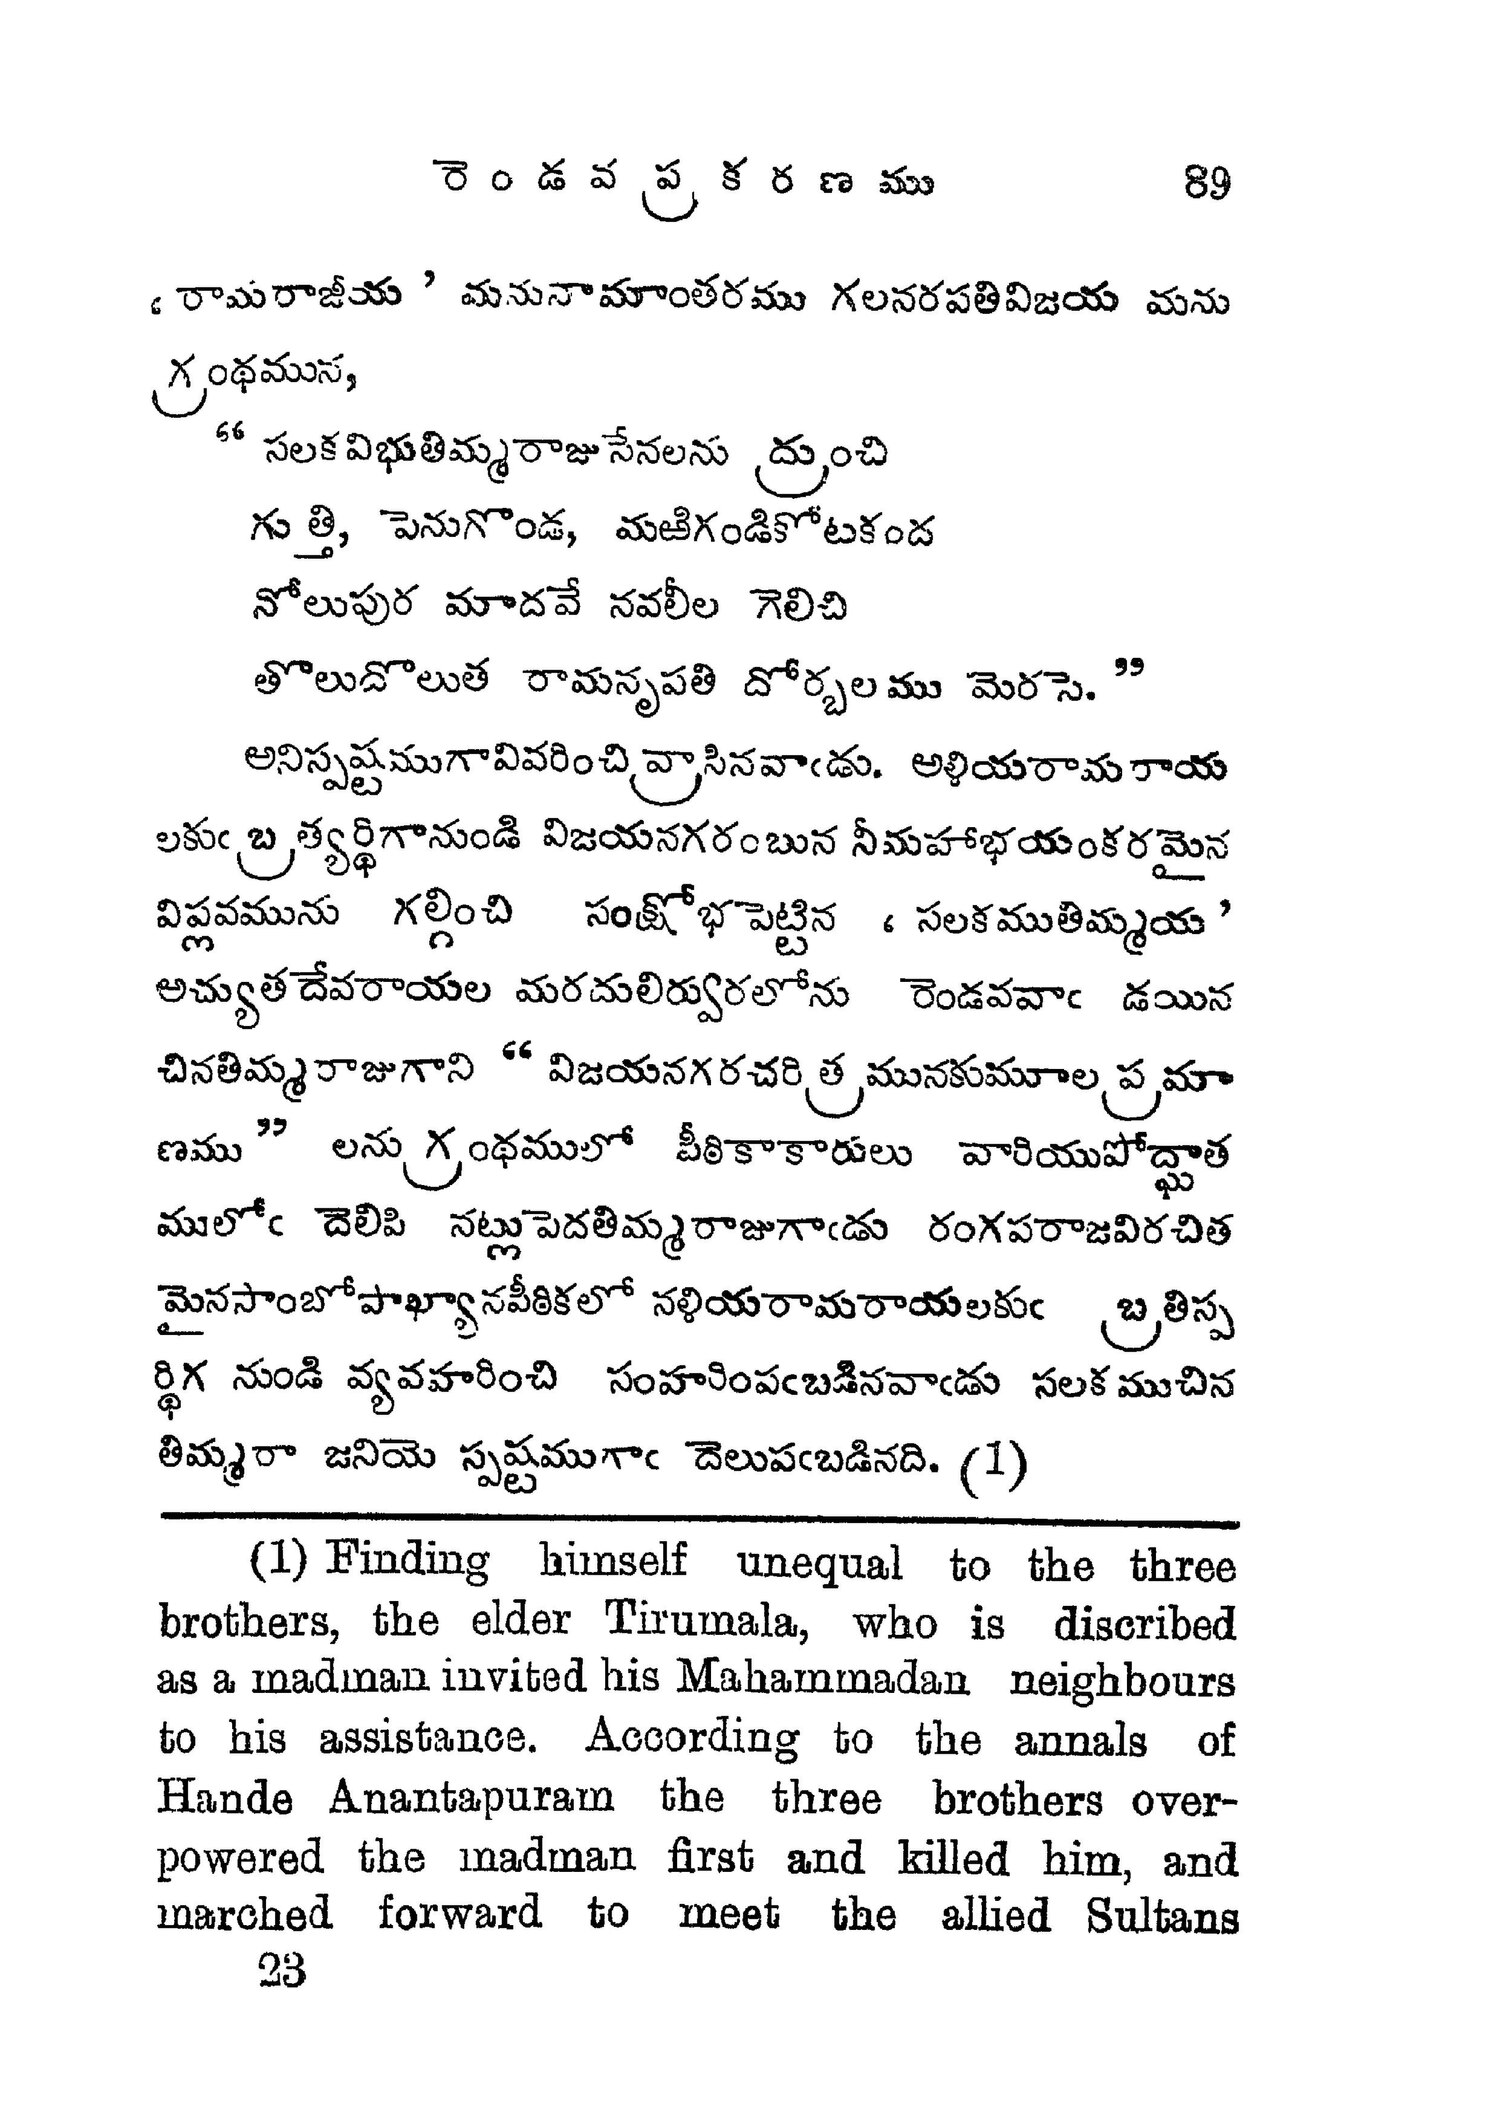'రామరాజీయ' మనునామాంతరము గలనరపతివిజయ మను గ్రంథమున,

 "సలకవిభుతిమ్మరాజుసేనలను ద్రుంచి
 గుత్తి, పెనుగొండ, మఱిగండికోటకంద
 నోలుపుర మాదవే నవలీల గెలిచి
 తొలుదొలుత రామనృపతి దోర్బలము మెరసె."

అనిస్పష్టముగావివరించివ్రాసినవాడు. అళియరామరాయలకు బ్రత్యర్థిగానుండి విజయనగరంబున నీమహాభయంకరమైన విప్లవమును గల్గించి సంక్షోభపెట్టిన 'సలకముతిమ్మయ' అచ్యుతదేవరాయల మరదులిర్వురలోను రెండవవా డయిన చినతిమ్మరాజుగాని "విజయనగరచరిత్రమునకుమూల ప్రమాణము" లను గ్రంథములో పీఠికాకారులు వారియుపోద్ఘాతములో దెలిపి నట్లుపెదతిమ్మరాజుగాడు రంగపరాజవిరచితమైనసాంబోపాఖ్యాన పీఠికలో నళియరామరాయలకు బ్రతిస్పర్థిగ నుండి వ్యవహరించి సంహరింపబడినవాడు సలకముచినతిమ్మరా జనియె స్పష్టముగా దెలుపబడినది.